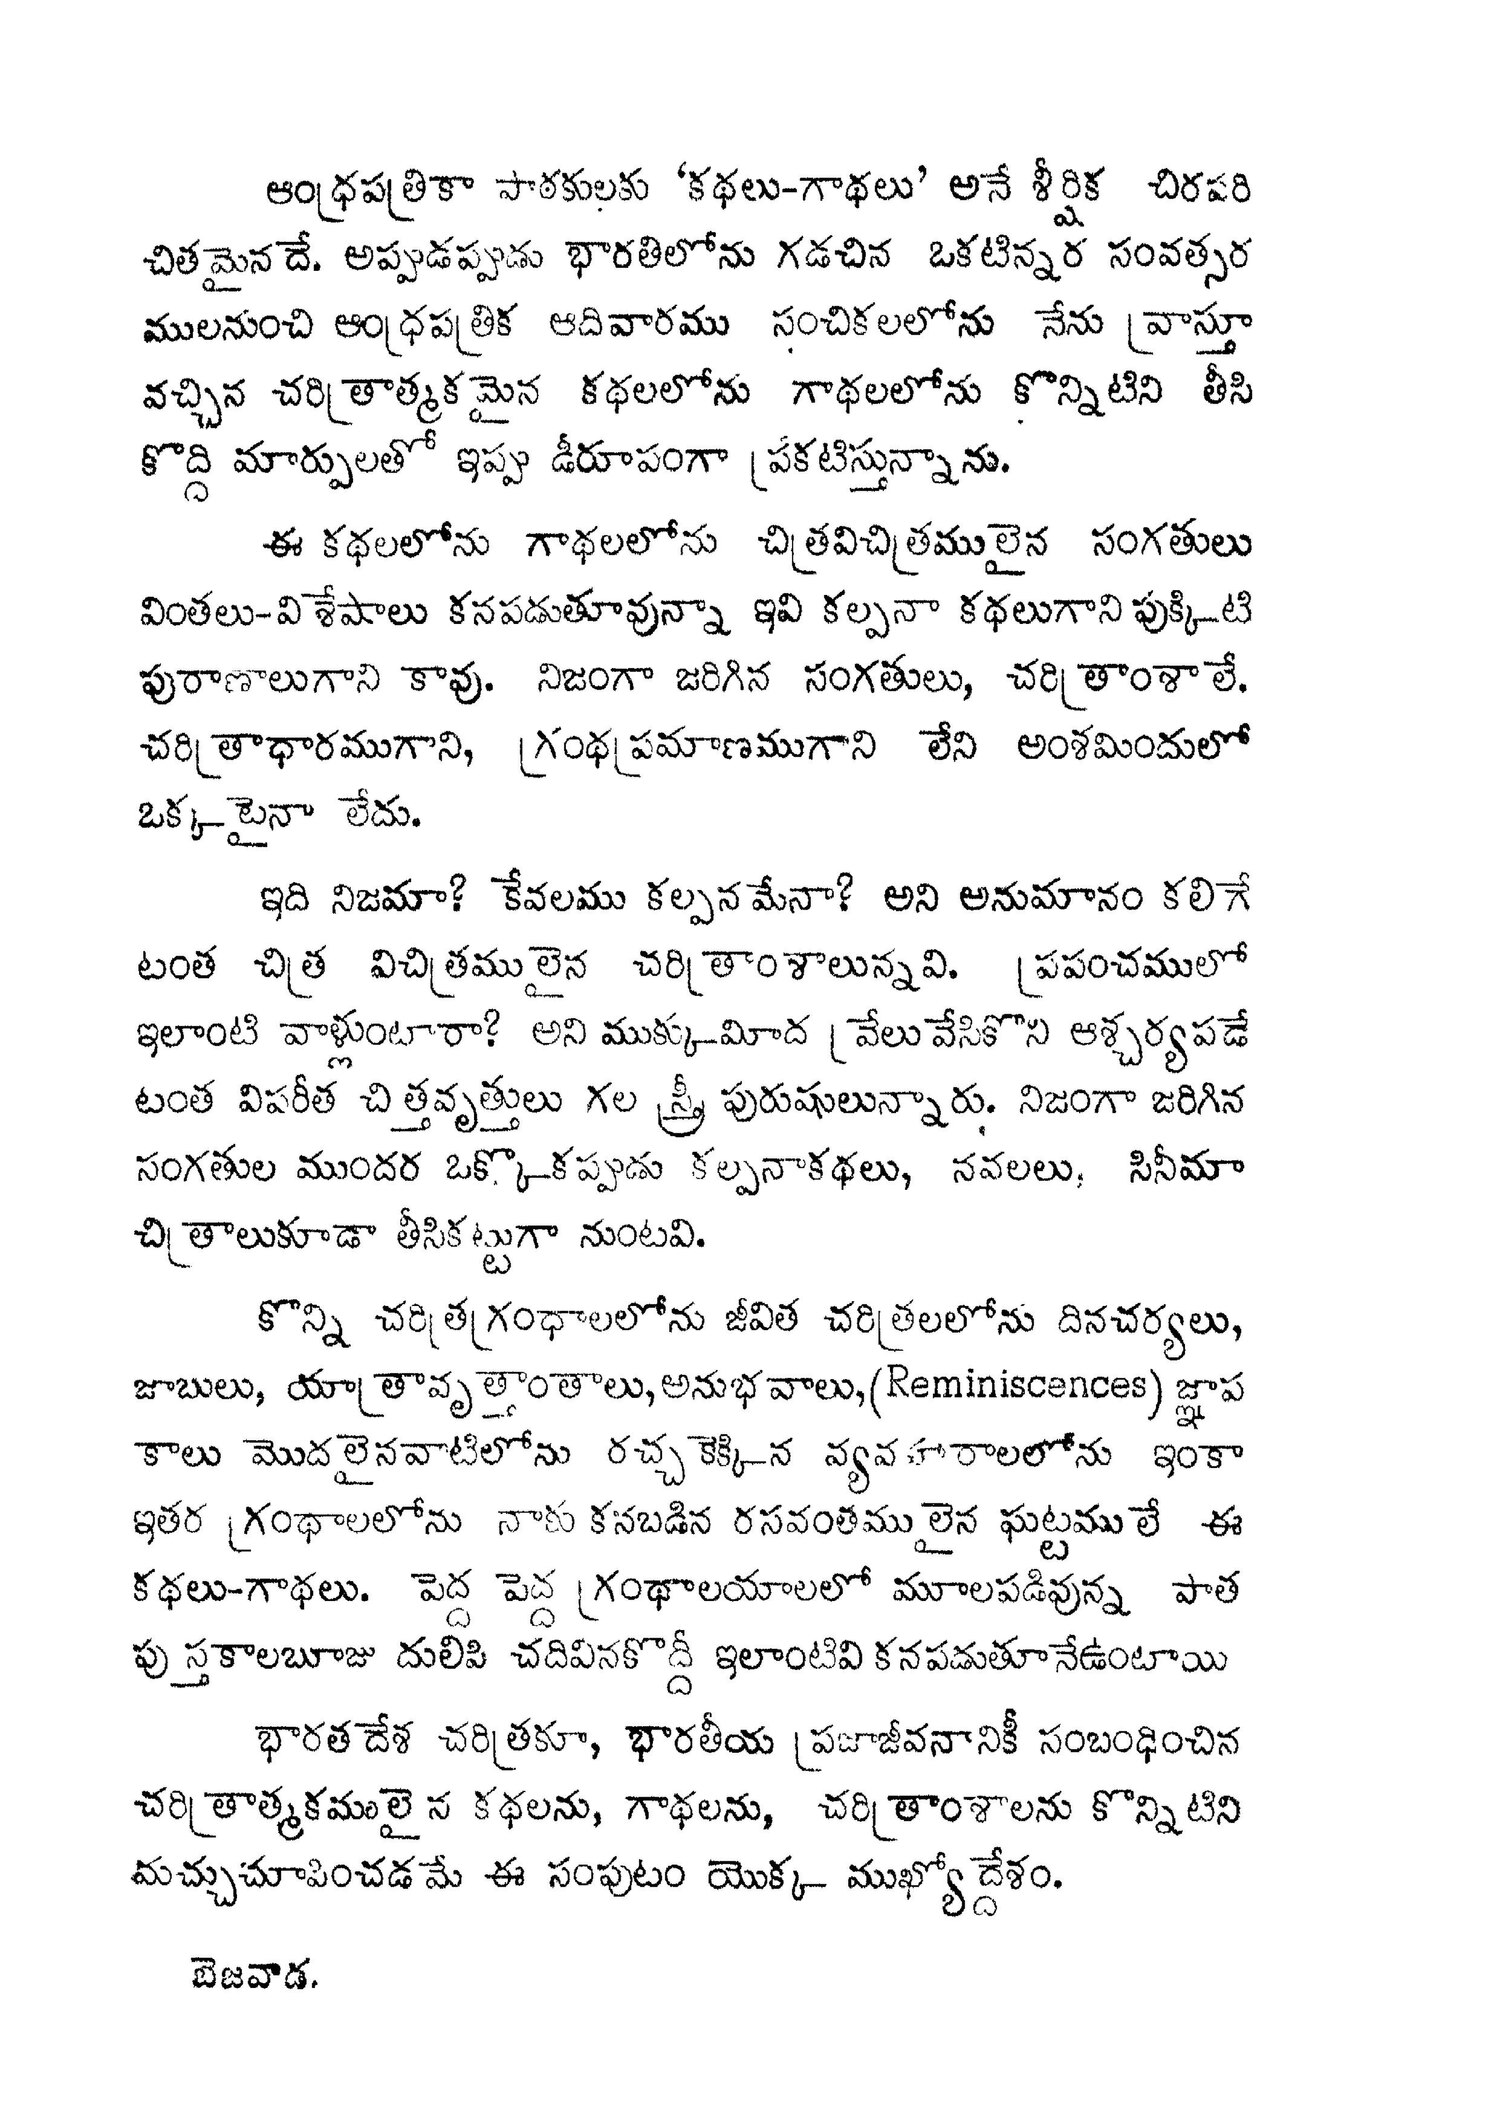ఆంధ్రపత్రికా పాఠకులకు ' కథలు-గాథలు ' అనే శీర్షిక చిరపరిచితమైనదే. అప్పుడప్పుడు భారతిలోను గడచిన ఒకటిన్నర సంవత్సరములనుంచి ఆంధ్రపత్రిక ఆదివారము సంచికలోను నేను వ్రాస్తు వచ్చిన చరిత్రాత్మకమైన కథలలోను గాథలలోను కొన్నిటిని తీసి కొద్ది మార్పులతో ఇప్పు డీరూపంగా ప్రకటిస్తున్నాను.

ఈ కథలలోను గాథలలోను చిత్రవిచిత్రములైన సంగతులు వింతలు-విశేషాలు కనపడుతూవున్నా ఇవి కల్పనా కథలుగాని పుక్కిటి పురాణాలుగాని కావు. నిజంగా జరిగిన సంగతులు, చరిత్రాంశాలే. చరిత్రాధారముగాని, గ్రంథప్రమానములుగాని లేని అంశమిందులో ఒక్కటైనా లేదు.

ఇది నిజమా ? కేవలము కల్పనమేనా ? అని అనుమానం కలిగేటంత చిత్ర విచిత్రములైన చరిత్రాంశాలున్నవి. ప్రపంచములో ఇలాంటి వాళ్లుంటారా ? అని ముక్కుమీద వ్రేలువేసుకొని ఆశ్చర్యపడేటంట విపరీత చిత్తవృత్తులు గల స్త్రీ పురుషులున్నారు. నిజంగా జరిగిన సంగతుల ముందర ఒక్కొకప్పుడు కల్పనాకథలు, నవలలు, సినిమా చిత్రాలుకూడా తీసికట్టుగా నుంటవి.

కొన్ని చరిత్రగ్రంథాలలోను జీవిత చరిత్రలలోను దినచర్యలు, జాబులు, యాత్రావృత్తాంతాలు, అనుభవాలు (Reminiscences) జ్ఞాపకాలు మొదలైనవాటిలోను రచ్చకెక్కిన వ్యవహారాలలోను ఇంకా ఇతర గ్రంథాలలోను నాకు కనబడిన రసవంతములైన ఘట్టములే ఈ కథలు-గాథలు. పెద్ద పెద్ద గ్రంథాలయాలలో మూలపడివున్న పాత పుస్తకాల బూజు దులిపి చదివినకొద్దీ ఇలాంటివి కనపడుతూనే ఉంటాయి.

భారతదేశ చరిత్రకూ, భారతీయ ప్రజాజీవనానికీ సంబంధించిన చరిత్రాత్మకమైన కథలను, గాథలను, చరిత్రాంశాలను కొన్నిటిని మచ్చుచూపించడమే ఈ సంపుటం యొక్క ముఖ్యోద్దేశం.

బెజవాడ.